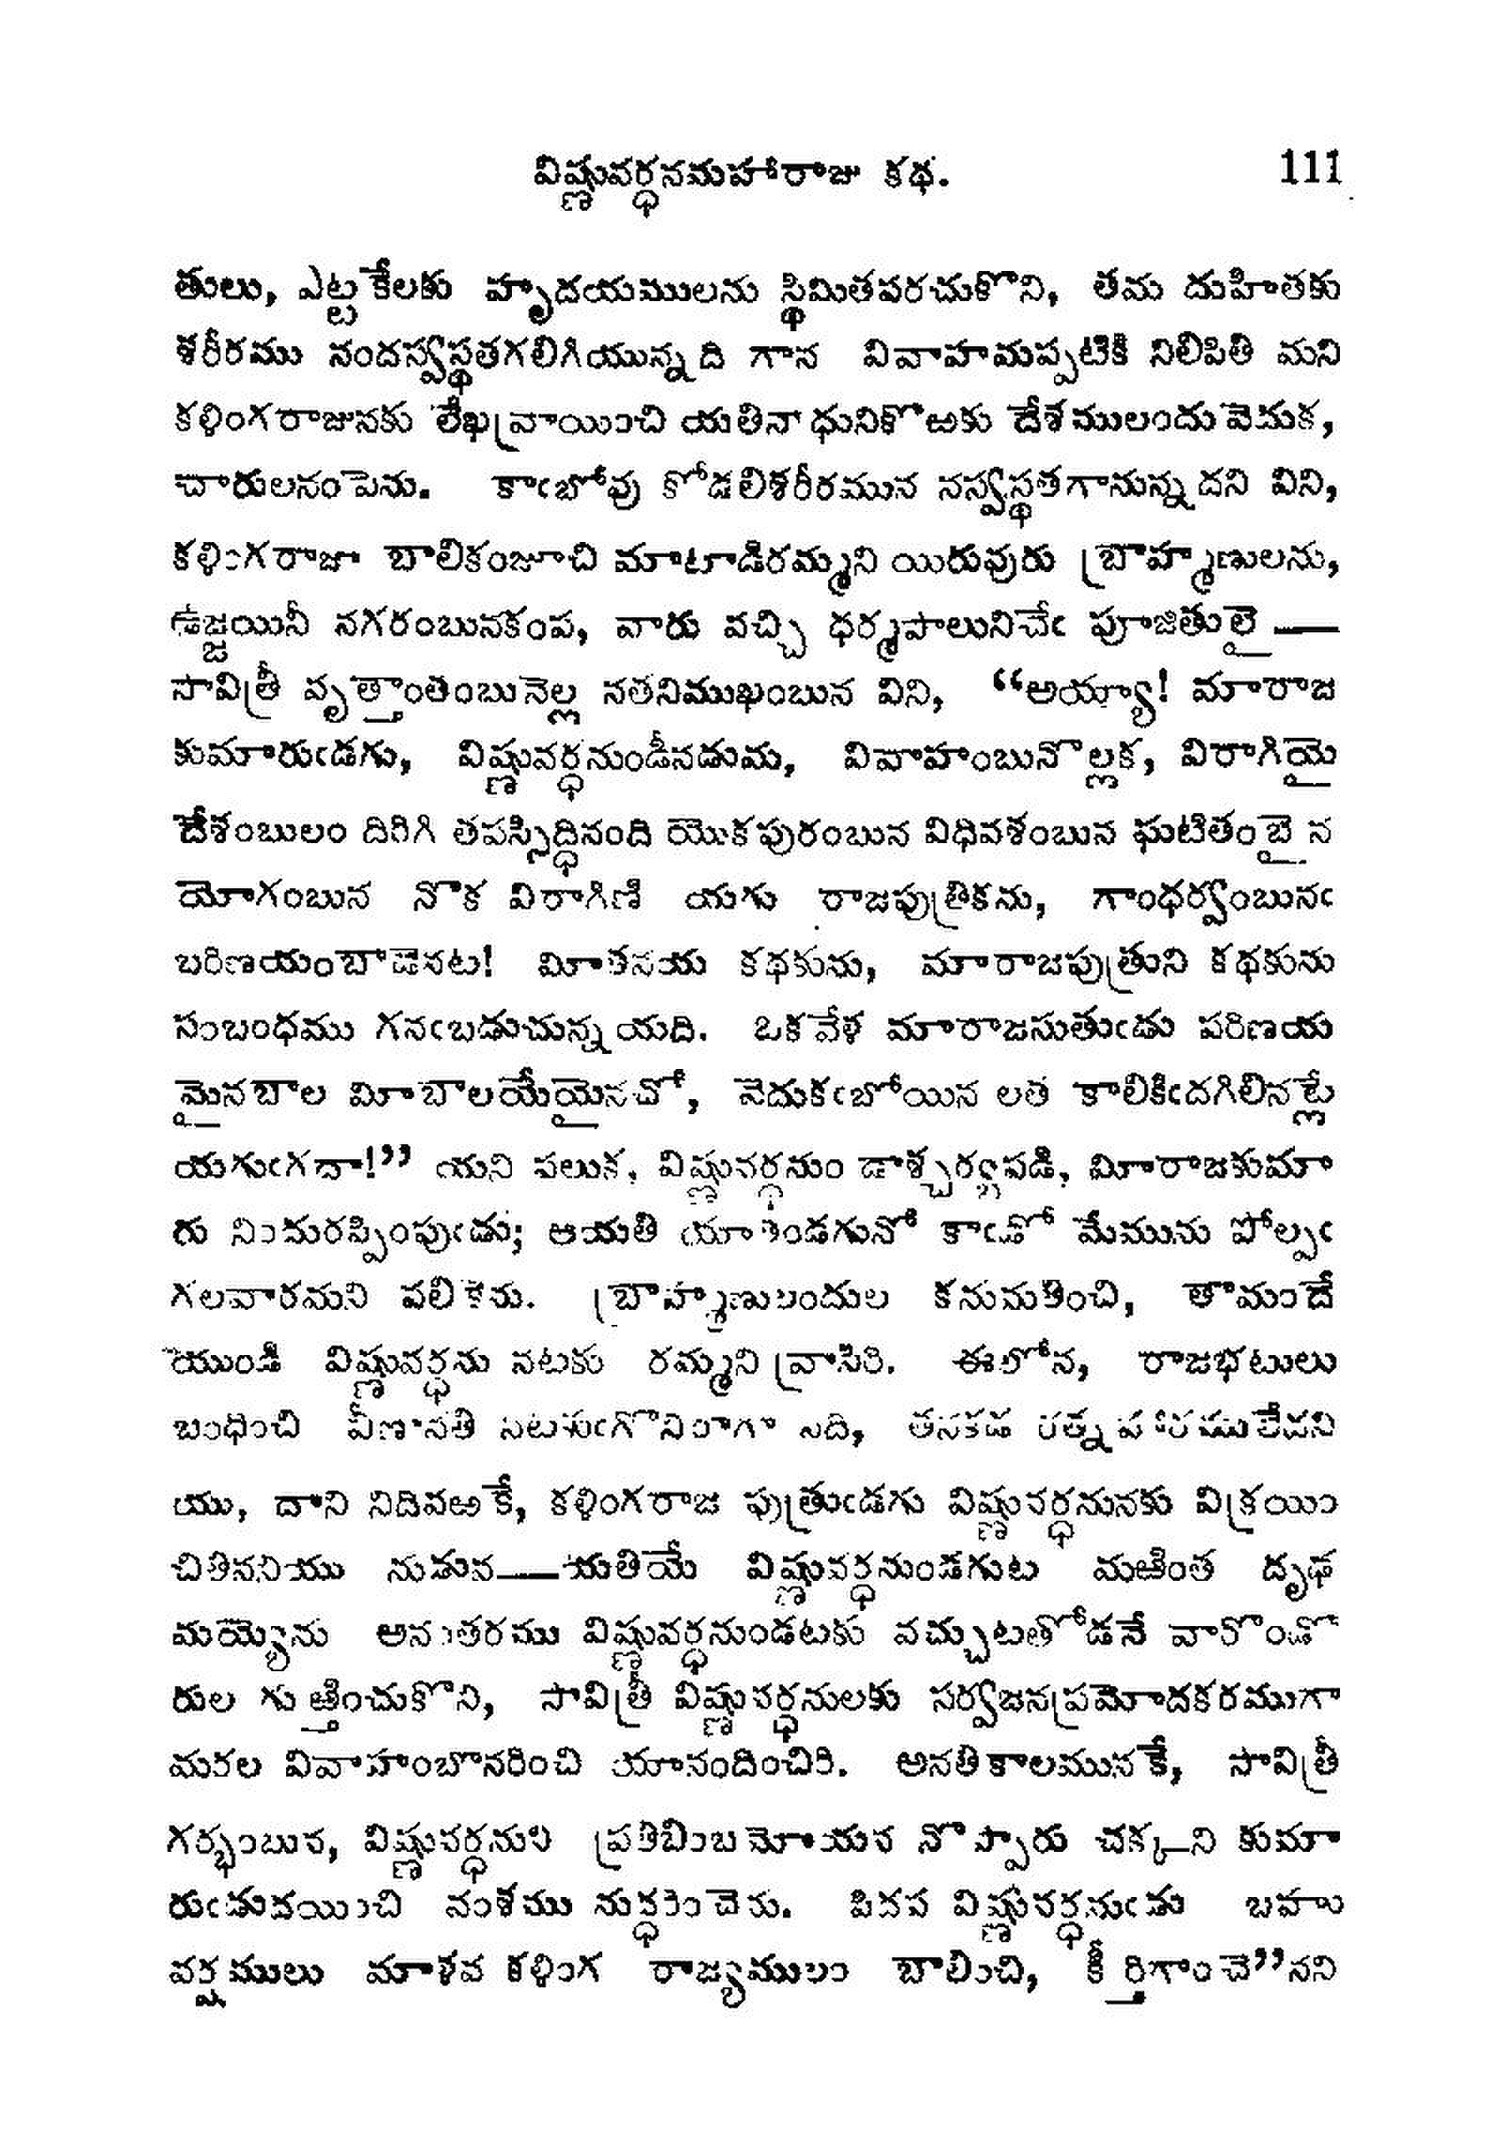తులు, ఎట్టకేలకు హృదయములను స్థిమితపరచుకొని, తమ దుహితకు శరీరము నందస్వస్థతగలిగియున్నది గాన వివాహమప్పటికీ నిలిపితి మని కళింగరాజునకు లేఖ వ్రాయించి యతినాధునికొఱకు దేశములందు వెదుక, చారులనంపెను. కాఁబోవు కోడలిశరీరమున నస్వస్థతగానున్నదని విని, కళింగరాజా బాలికంజూచి మాటాడిరమ్మని యిరువురు బ్రాహ్మణులను,
ఉజ్జయినీ నగరంబునకంప, వారు వచ్చి ధర్మపాలునిచేఁ పూజితులై—— సావిత్రీ వృత్తాంతంబు నెల్ల నతని ముఖంబున విని, "అయ్యా! మారాజకుమారుఁడగు, విష్ణువర్ధనుండీనడుమ, వివాహంబునొల్లక, విరాగియై దేశంబులం దిరిగి తపస్సిద్ధినంది యొకపురంబున విధివశంబున ఘటితంబైన యోగంబున నొక విరాగిణి యగు రాజపుత్రికను, గాంధర్వంబునఁ బరిణయం బాజెనట! మీతనయ కథకును, మారాజపుత్రుని కథకును సంబంధము గనఁబడుచున్నయది. ఒక వేళ మారాజసుతుఁడు పరిణయమైనబాల మీబాలయేయైనచో, వెదుకఁబోయిన లత కాలికిఁదగిలినట్లే యగుఁగదా!" యని పలుక, విష్ణువర్ధనుం డాశ్చర్యపడి, మీరాజకుమారు నిందురప్పింపుఁడు; ఆయతి యాతండగునో కాఁడో మేమును పోల్పంగలవారమని పలికెను. బ్రాహ్మణులందుల కనుమతించి, తామందే యుండి విష్ణువర్ధను నటకు రమ్మని వ్రాసిరి. ఈలోన, రాజభటులు బంధించి వీణావతి నటకుఁ గొనిరాగా నది, తనకడ రత్న హారము లేదనియు, దాని నిదివఱకే, కళింగ రాజ పుత్రుఁడగు విష్ణువర్ధనునకు విక్రయించితిననియు నుదువ—— యతియే విష్ణువర్ధనుండగుట మణింత దృఢమయ్యెను. అనంతరము విష్ణువర్ధనుండటకు వచ్చుటతోడనే వారోండోరుల గుఱ్తీంచుకొని, సావిత్రీ విష్ణువర్ధనులకు సర్వజనప్రమోదకరముగా
మరల వివాహంబొనరించి యానందించిరి. అనతి కాలమునకే, సావిత్రీ గర్భంబున, విష్ణువర్ధనుని ప్రతిబింబ మోయన నొప్పారు చక్కని కుమారుఁడుదయించి వంశము నుధ్ధరించెను. పిదప విష్ణువర్ధనుఁడు బహువర్షములు మాళవ కళింగ రాజ్యములం బాలించి, 'కీర్తిగాంచె" నని